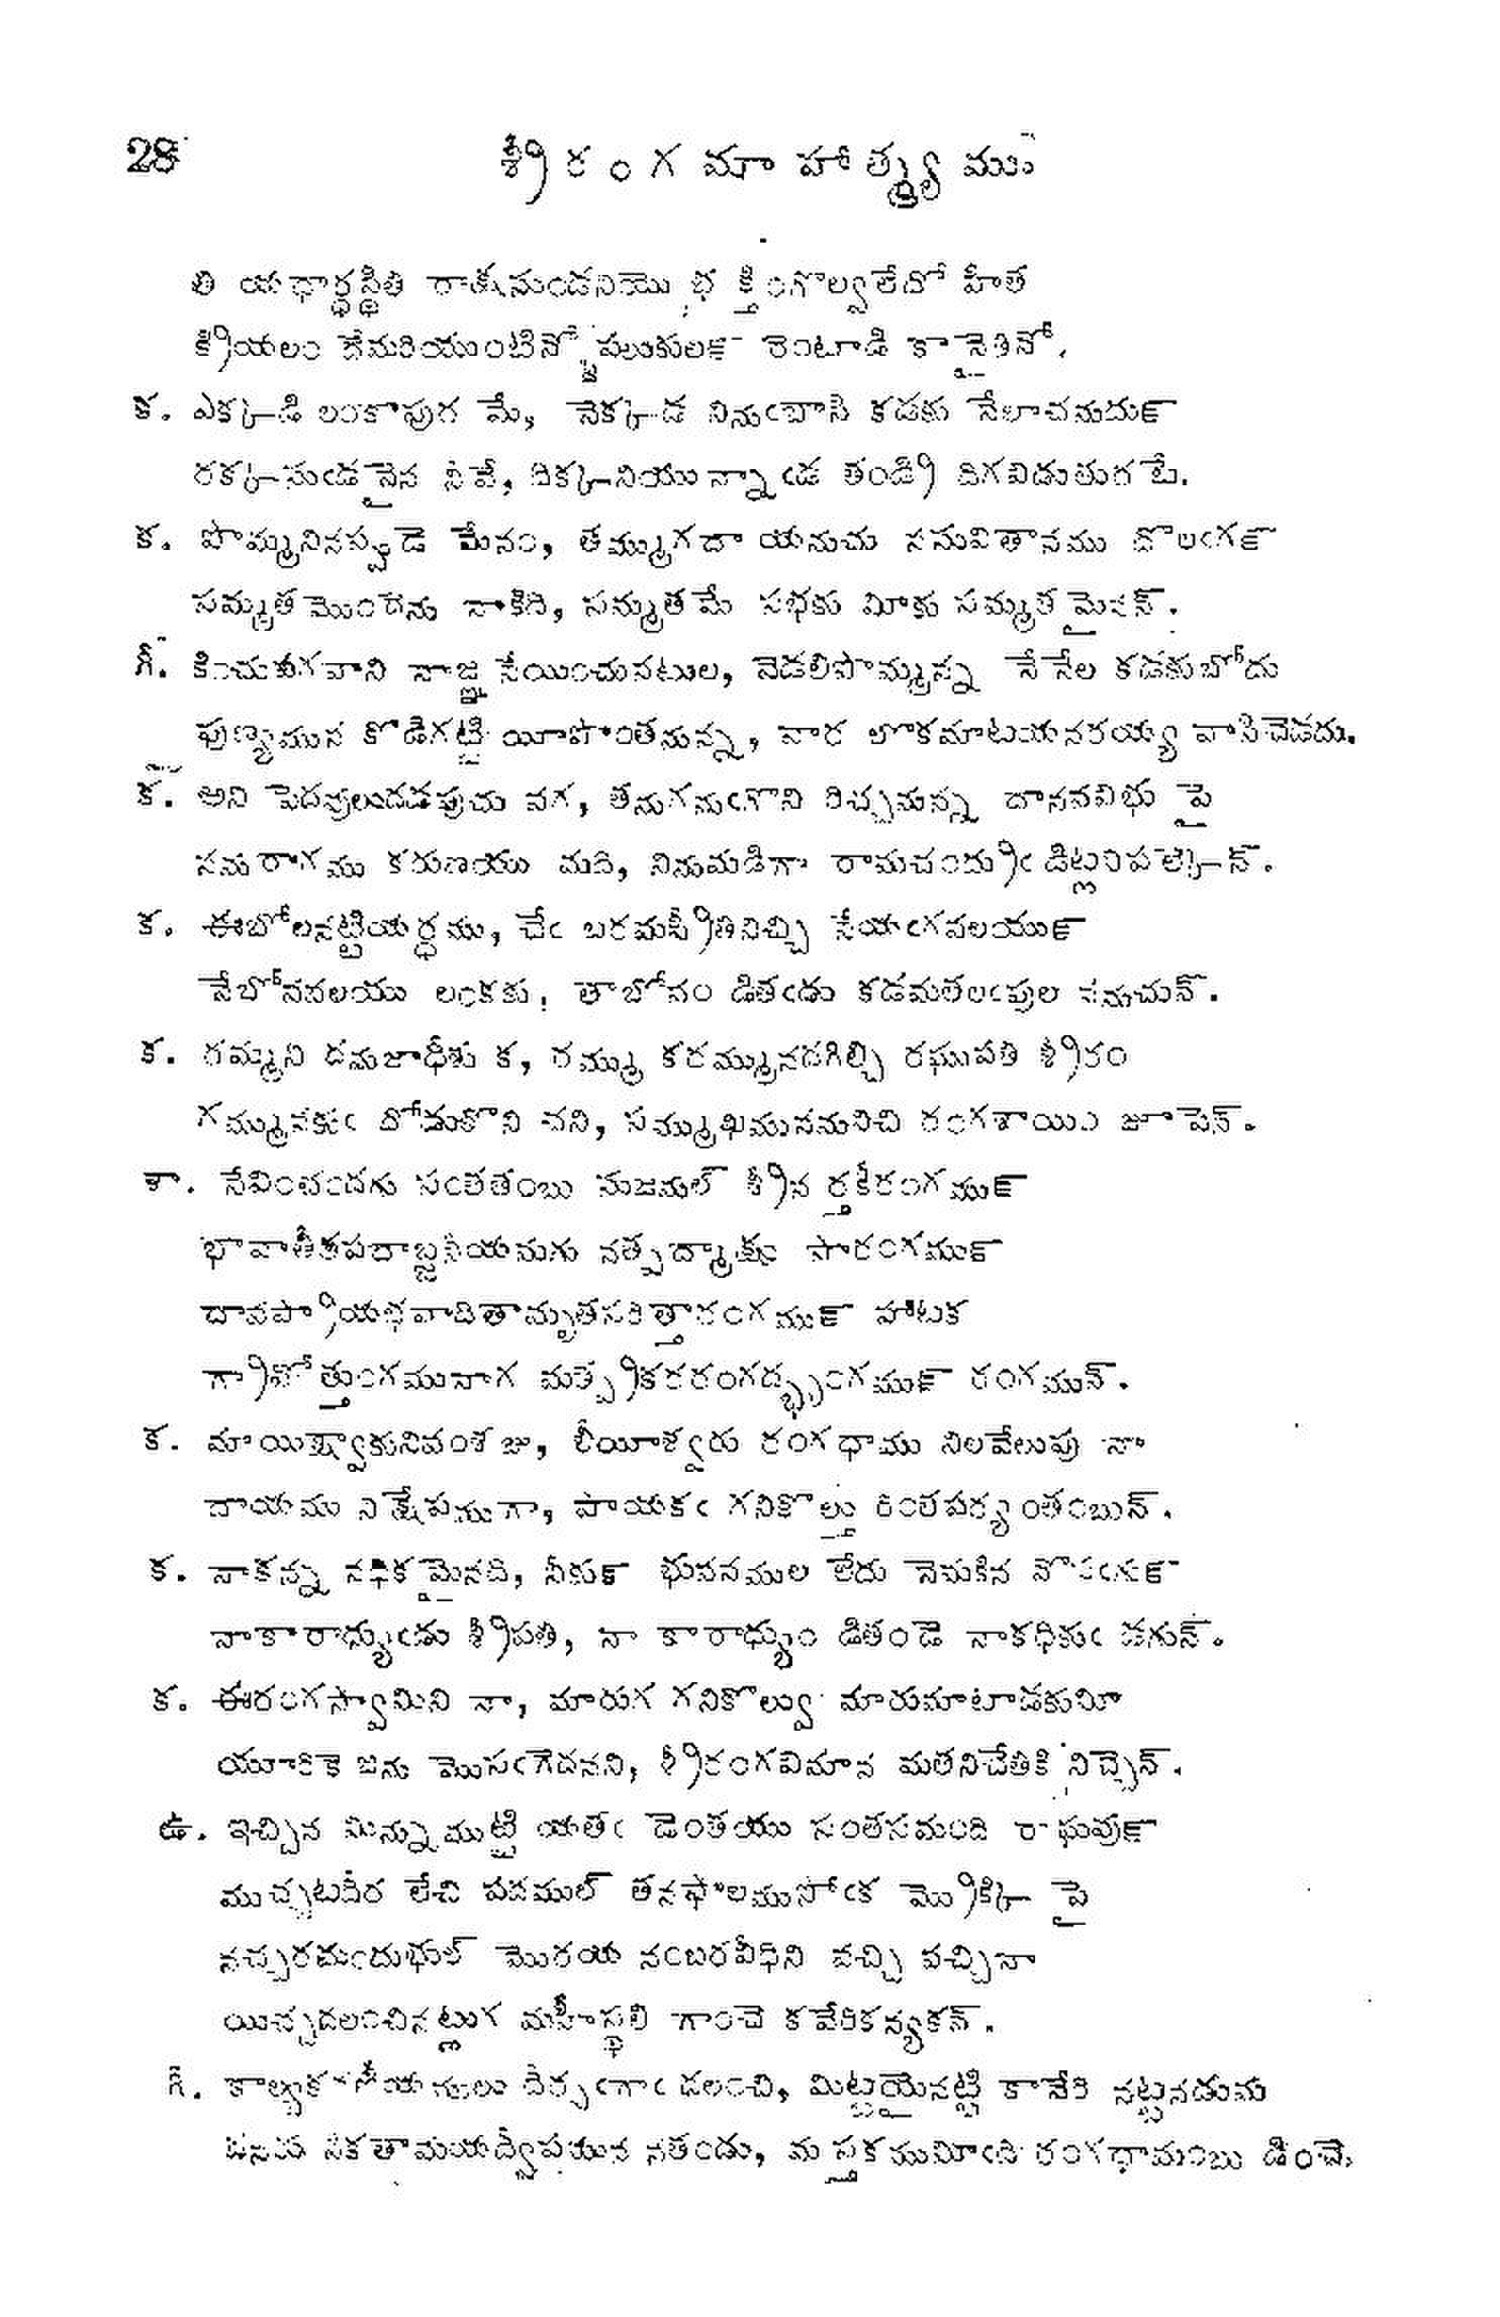తి యథార్థస్థితి రాక్షసుండని భక్తింగొల్వలేదో హిత
 క్రియలం మరియుంటినో పలుకులన్ రెంటాడి కానైతినో.
క. ఎక్కడి లంకాపుర మే, నేక్కడ నినుఁబాసి కడకు నేలా చనుదున్
 రక్కసుఁడనైన నీవే, దిక్కనియున్నాఁడ తండి దిగవిడుతురటే.
క. పొమ్మనినప్పుడె మేనం, తమ్ముగదా యనుచు ననువితానము దొలఁగన్
 సమ్మత మొందెను నాకిది, సమ్మతమే సభకు మీకు సమ్మత మైనన్.
గీ. కించుపగవాని నాజ్ఞ సేయించునటుల, వెడలిపొమ్మన్న నేనేల కడకు బోదు
 పుణ్యమున కొడిగట్టి యీపొంతనున్న, వార లొకమాట యనరయ్య వాసి చెడదు.
క. అని పెదవులు దడపుచు నగ, తనుగనుఁగొని రిచ్చనున్న దానవవిభుపై
 ననురాగము కరుణయు మరి, నినుమడిగా రామచంద్రుఁ డిట్లని పల్కెన్.
క. ఈబోలనట్టియర్థము, చేఁ బరమప్రీతి నిచ్చి సేయఁగవలయున్
 నేబోవవలయు లంకకు , తాబోవం డితఁడు కడమతలపుల ననుచున్.
క. రమ్మని దనుజాధీశు క, రమ్ము కరమ్మున దగిల్చి రఘుపతి శ్రీరం
 గమ్మునకుఁ దోడుకొని చని, సమ్ముఖమున నునిచి రంగశాయిం జూపెన్.
శా. సేవించందగు సంతతంబు సుజనుల్ శ్రీనర్తకీరంగమున్
 భావాతీతపదాబ్జనీయమగు నప్పద్మాక్షు సారంగమున్
 దావప్రాయభవాదితామృతసరిత్తారంగమున్ హాటక
 గ్రావోత్తుంగమునాగ మత్ప్రకరరంగద్భృంగమున్ రంగమున్.
క. మాయిక్ష్వాకునివంశజు, లీయీశ్వరు రంగధాము నిలవేలుపు నా
 దాయము నిక్షేపముగా, పాయకఁ గనికొల్తు రింతపర్యంతంబున్.
క. నాకన్న నధికమైనది, నీకున్ భువనముల లేదు నెమకిన నొసఁగున్
 నాకారాధ్యుఁడు శ్రీపతి, నా కారాధ్యుం డితండె నాకధికుఁ డగున్.
క. ఈరంగస్వామిని నా, మారుగ గనికొల్వు మారుమాటాడకు మీ
 యూరికె జను మొసఁగెదనని, శ్రీరంగవిమాన మతని చేతికి నిచ్చెన్.
ఉ. ఇచ్చిన మిన్నుముట్టి యతఁ డెంతయు సంతసమంది రాఘవున్
 ముచ్చటదీర లేచి పదముల్ తన ఫాలముసోఁక మ్రొక్కి పై
 నచ్చరదుందుభుల్ మొరయ నంబరవీథిని వచ్చి వచ్చినా
 యిచ్చదలంచినట్లుగ మహీస్థలి గాంచె కవేరికన్యకన్.
గీ. కాల్యకరణీయములు దీర్పఁగాఁ దలంచి, మిట్టయైనట్టి కావేరి నట్టనడుమ
 దనరు సికతామయద్వీపమున నతండు, మస్తకముమీఁది రంగధామంబు డించె.